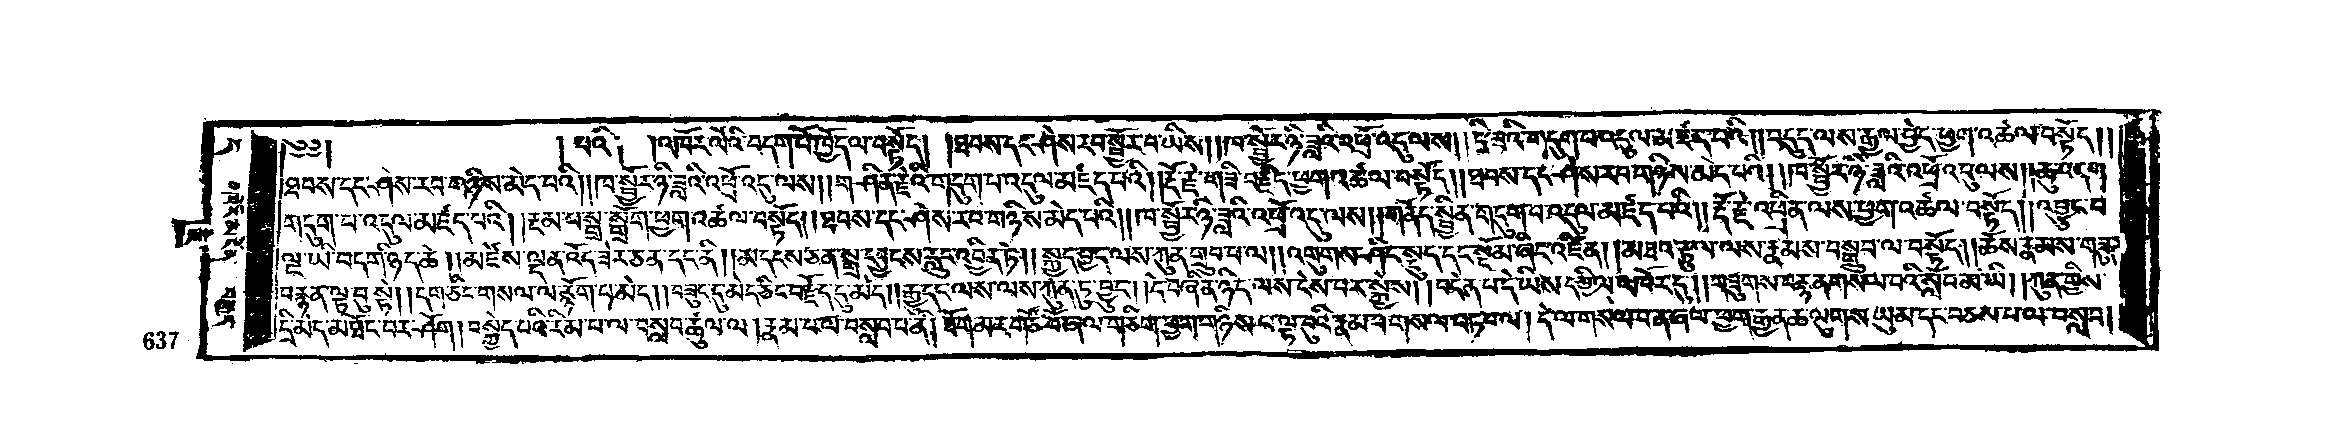༄༅། །པའི༑ །འཁོར་ལོའི་བདག་པོ་ཁྱོད་ལ་བསྟོད། །ཐབས་དང་ཤེས་རབ་སྦྱོར་བ་ཡིས། །ཁ་སྦྱོར་ཉི་ཟླའི་འཕྲོ་འདུ་ལས། །དྲི་ཟའི་གདུག་པ་འདུལ་མཛད་པའི། །བདུད་ལས་རྒྱལ་བྱེད་ཕྱག་འཚལ་བསྟོད།།
ཐབས་དང་ཤེས་རབ་གཉིས་མེད་པའི། །ཁ་སྦྱོར་ཉི་ཟླའི་འཕྲོ་འདུ་ལས། །གཤིན་རྗེའི་གདུག་པ་འདུལ་མཛད་པའི། །རྡོ་རྗེ་གཟི་བརྗིད་ཕྱག་འཚལ་བསྟོད། །ཐབས་དང་ཤེས་རབ་གཉིས་མེད་པའི། །ཁ་སྦྱོར་ཉི་ཟླའི་འཕྲོ་འདུ་ལས། །ཆུ་བདག་
གདུག་པ་འདུལ་མཛད་པའི། །རྔམ་པ་སྒྲ་སྒྲོག་ཕྱག་འཚལ་བསྟོད། །ཐབས་དང་ཤེས་རབ་གཉིས་མེད་པའི། །ཁ་སྦྱོར་ཉི་ཟླའི་འཕྲོ་འདུ་ལས། །གནོད་སྦྱིན་གདུག་པ་འདུལ་མཛད་པའི། །རྡོ་རྗེ་འཕྲིན་ལས་ཕྱག་འཚལ་བསྟོད། །འབྱུང་བ་
ལྔ་ཡི་བདག་ཉིད་ཆེ། །མཛེས་ལྡན་འོད་ཟེར་ཅན་དང་ནི། །མདངས་ཅན་སྒྲ་དབྱངས་རླུང་འབྱིན་ཏེ། །སྐྱད་བྱད་ལས་ཀུན་གྲུབ་པ་ལ། །འགུགས་ཤིང་སྡུད་དང་སྡོམ་ཞིང་འཛིན། མཐའ་རྟུལ་ལས་རྣམས་བསྒྲུབ་ལ་བསྟོད། །ཆོས་རྣམས་གཟུགས་
བརྙན་ལྟ་བུ་སྟེ། །དག་ཅིང་གསལ་ལ་རྙོག་པ་མེད། །བཟུང་དུ་མེད་ཅིང་བརྗོད་དུ་མེད། །རྒྱུ་དང་ལས་ལས་ཀུན་ཏུ་བྱུང་། །དེ་བཞིན་ཉིད་ལས་ངེས་པར་སྐྱེས། །བདེན་པ་དེ་ཡིས་དཀྱིལ་འཁོར་དུ། །གཟུགས་བརྙན་གསལ་བའི་སློབ་མ་ཡི། །ཀུན་གྱིས་
དྲི་མེད་མཐོང་བར་ཤོག །བསྐྱེད་པའི་རིམ་པ་ལ་བསླབ་ཚུལ་ལ། རྣམ་པ་ལ་བསླབ་པ་ནི། ཐོག་མར་གཙོ་བོ་ཞལ་གཅིག་ཕྱག་གཉིས་པ་ལྟ་བུའི་རྣམ་པ་གསལ་བཏབ་ལ། དེ་ལ་གསལ་བ་ན་ཞལ་ཕྱག་རྒྱན་ཆ་ལུགས་ཡུམ་དང་བཅས་པ་ལ་བསླབ།